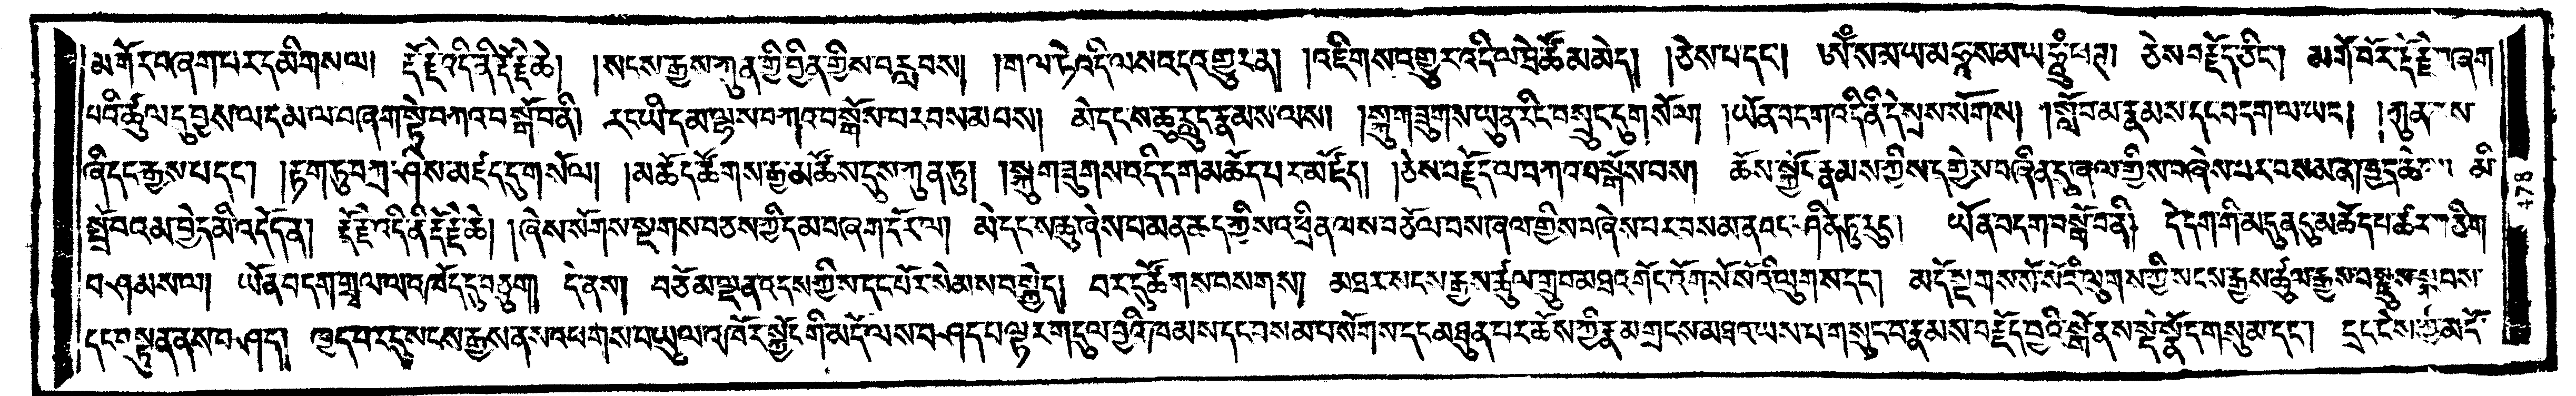མགོར་བཞག་པར་དམིགས་ལ། རྡོ་རྗེ་འདི་ནི་རྡོ་རྗེ་ཆེ། སངས་རྒྱས་ཀུན་གྱི་བྱིན་གྱིས་བརླབས། །གལ་ཏེ་འདི་ལས་འདའ་འགྱུར་ན། །འཇིགས་འགྱུར་འདི་ལ་ཐེ་ཚོམ་མེད། །ཅེས་པ་དང་། ཨོཾ་ས་མ་ཡ་མ་ཧཱ་ས་མ་ཡ་ཧཱུཾ་ཕཊ། ཆེས་བརྗོད་ཅིང་། མགོ་བོར་རྡོ་རྗེ་བཞག་
བའི་ཚུལ་དབྱངས་ལ་དམ་ལ་བཞག་སྟེ་བཀའ་བསྒོ་བ་ནི། རང་ཡི་དམ་ལྷས་བཀའ་བསྒོས་པར་བསམས། མེ་དང་ས་ཆུ་རླུང་རྣམས་ལས། །སྐུ་གཟུགས་ཡུན་རིང་བསྲུང་དུ་གསོལ། །ཡོན་བདག་འདི་ནི་དེ་སྲས་སོགས། །སློབ་མ་རྣམས་དང་བདག་ལ་ཡང་། །ཀུན་ས་
ཞི་དང་རྒྱས་པ་དང་།རྟག་ཏུ་བཀྲ་ཤིས་མཛད་དུ་གསོལ། །མཆོད་ཚོགས་རྒྱ་མཚོས་དུས་ཀུན་ཏུ། །སྐུ་གཟུགས་འདི་དག་མཆོད་པར་མཛོད། །ཅེས་བརྗོད་ལ་བཀའ་བསྒོས་པས། ཆོས་སྐྱོང་རྣམས་ཀྱིས་དགྱེས་བཞིན་དུ་ཞལ་གྱིས་བཞེས་པར་བསམ་ན་ཁྱད་ཆོས། མི་
སྤྲོ་བའམ་བྱེད་མི་འདོད་ན། རྡོ་རྗེ་འདི་ནི་རྡོ་རྗེ་ཆེ། །ཞེས་སོགས་སྔགས་བཅས་ཀྱི་དམ་བཞག་དོར་ལ། མེད་དང་ས་ཆུ་ཞེས་པ་མན་ཆད་ཀྱིས་འཕྲིན་ལས་བཅོལ་བས་ཞལ་གྱིས་བཞེས་པར་བསམ་ན་བང་ཤིན་ཏུ་རུང་། ཡོན་བདག་བསྒོ་བ་ནི། དེ་དག་གི་མདུན་དུ་མཆོད་པ་ཚར་གཅིག?
བཤམས་ལ། ཡོན་བདག་གྲལ་ལ་འཁོད་དུ་བཅུག །དེ་ནས། བཅོམ་ལྡན་འདས་ཀྱིས་དང་པོར་སེམས་བསྐྱེད། བར་དུ་ཚོགས་བསགས། མཐར་སངས་རྒྱས་ཚུལ་གྲུབ་མཐའ་གོང་འོག་སོ་སོའི་ལུགས་དང་། མདོ་སྔགས་སོ་སོའི་ལུགས་ཀྱི་སངས་རྒྱས་ཚུལ་རྒྱས་བསྡུས་སྐབས་
དང་བསྟུན་ནས་བཤད། ཁྱད་པར་དུ་སངས་རྒྱས་ནས་འཕགས་པ་ཡུལ་འཁོར་སྐྱོང་གི་མདོ་ལས་བཤད་པ་ལྟར་གདུལ་བྱའི་ཁམས་དང་བསམ་པ་སོགས་དང་མཐུན་པར་ཆོས་ཀྱི་རྣམ་གྲངས་མཐའ་ཡས་པ་གསུང་བ་རྣམས་བརྗོད་བྱའི་སྒོ་ནས་སྡེ་སྣོད་གསུམ་དང་། དྲང་ངེས་ཀྱི་མདོ་